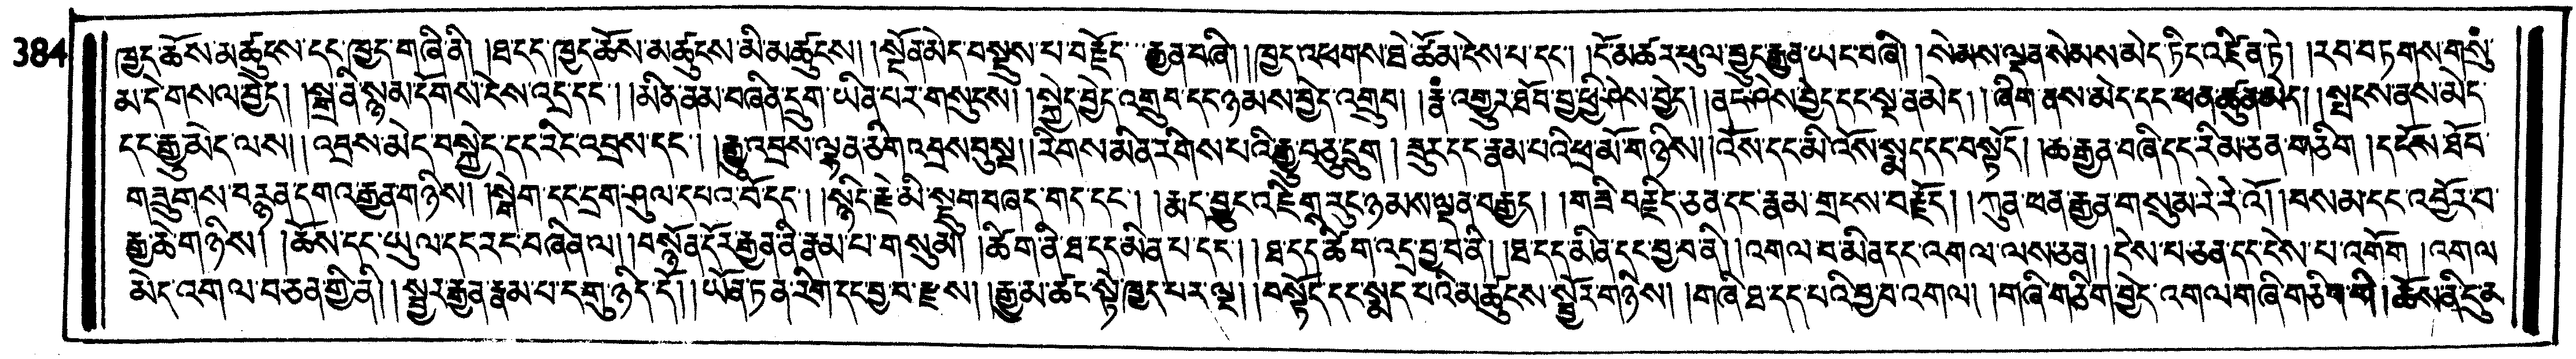ཁྱད་ཆོས་མཚུངས་དང་ཁྱད་གཞི་ནི། །ཐ་དད་ཁྱད་ཆོས་མཚུངས་མི་མཚུངས། །སྔོན་མེད་བསྡུས་པ་བརྗོད་རྒྱན་བཞི། །ཁྱད་འཕགས་ཐེ་ཚོམ་ངེས་པ་དང་། །ངོ་མཚར་ཕུལ་བྱུང་རྒྱན་ཡང་བཞི། །སེམས་ལྡན་སེམས་མེད་ཏིང་འཛིན་ཏེ། །རབ་བཏགས་གསུཾ་
མ་དེ་གསལ་བྱེད། །སྒྲ་ནི་སྙམ་དོགས་ངེས་འདྲ་དང་། །མིན་ནམ་བཞིན་དྲུག་ཡིན་པར་གསུངས། །སྐྱེད་བྱེད་འགྲུབ་དང་ཉམས་བྱེད་འགྲུབ། །རྣཾ་འགྱུར་ཐོབ་བྱ་ཕྱི་ཤེས་བྱེད། །ནང་ཤེས་བྱེད་དང་སྔ་ན་མེད། །ཞིག་ནས་མེད་དང་ཕན་ཚུན་མེད། །སྤངས་ནས་མེད་
དང་རྒྱུ་མེད་ལས། །འབྲས་མེད་བསྐྱེད་དང་རིང་འབྲས་དང་། །རྒྱུ་འབྲས་ལྷན་ཅིག་འབྲས་བུ་སྔ། །རིགས་མིན་རིགས་པའི་རྒྱུ་བཅུ་དྲུག །ཟུར་དང་རྣམ་པའི་ཕྲ་མོ་གཉིས། །འོས་དང་མི་འོས་སྨད་དང་བསྟོད། །ཆ་རྒྱན་བཞི་དང་རིམ་ཅན་གཅིག །དངོས་ཐོབ་
གཟུགས་བརྙན་དགའ་རྒྱན་གཉིས། །སྒེག་དང་དྲག་ཤུལ་དཔའ་བོ་དང་། །སྙིང་རྗེ་མི་སྡུག་བཞད་གད་དང་། །རྨད་བྱུང་འཇིག་རུང་ཉམས་ལྡན་བརྒྱད། །གཟི་བརྗིད་ཅན་དང་རྣམ་གྲངས་བརྗོད། །ཀུན་ཕན་རྒྱན་གསུམ་རེ་རེ་འོ། །བསམ་དང་འབྱོར་བ་
རྒྱ་ཆེ་གཉིས། །ཆོས་དང་ཡུལ་དང་རང་བཞིན་ལ། །བསྙོན་དོར་རྒྱན་ནི་རྣམ་པ་གསུམ། །ཚིག་ནི་ཐ་དད་མིན་པ་དང་། །ཐ་དད་ཚིག་འདྲ་བྱ་བ་ནི། །ཐ་དད་མིན་དང་བྱ་བ་ནི། །འགལ་བ་མིན་དང་འགལ་ལས་ཅན། །ངེས་པ་ཅན་དང་ངེས་པ་འགོག །འགལ་
མེད་འགལ་བ་ཅན་གྱི་ནི། །སྦྱར་རྒྱན་རྣམ་པ་དགུ་ཉིད་དོ། །ཡོན་ཏན་རིག་དང་བྱ་བ་རྫས། །རྒྱུ་མ་ཚང་སྟེ་ཁྱད་པར་ལྔ། །བསྟོད་དང་སྨད་པའི་མཚུངས་སྦྱོར་གཉིས། །གཞི་ཐ་དད་པའི་བྱ་བ་འགལ། །གཞི་གཅིག་བྱེད་འགལ་གཞི་གཅིག་གི །ཆོས་ནི་དུ་མ་